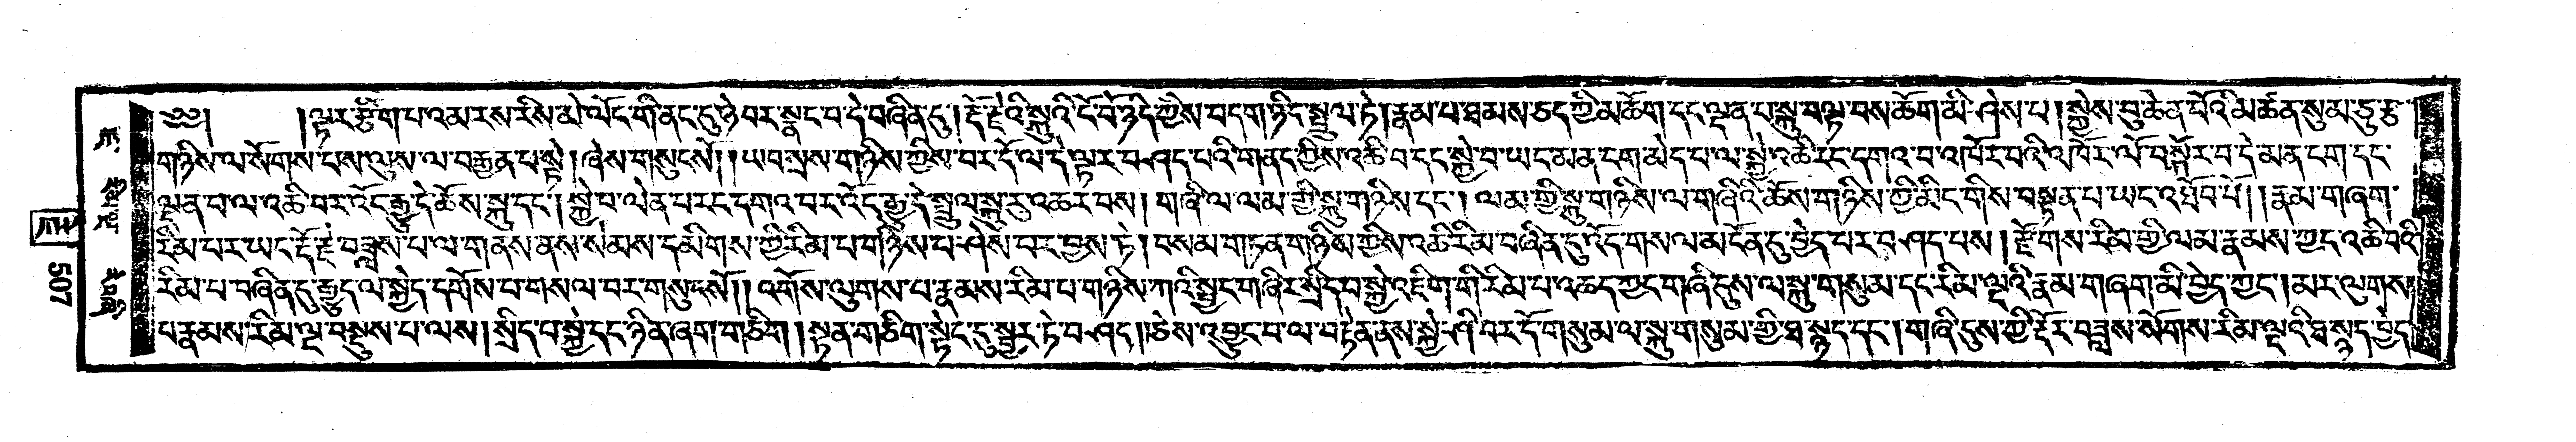༄༅། །ལྟར་རྩིག་པ་འམ་རས་རིས་མེ་ལོང་གི་ནང་དུ་ཉེ་བར་སྣང་བ་དེ་བཞིན་དུ། རྡོ་རྗེའི་སྐུའི་ངོ་བོ་ཉིད་ཀྱིས་བདག་ཉིད་སྤྲུལ་ཏེ། རྣམ་པ་ཐམས་ཅད་ཀྱི་མཆོག་དང་ལྡན་པ་སྐུ་བལྟ་བས་ཆོག་མི་ཤེས་པ། སྐྱེས་བུ་ཆེན་པོའི་མཚན་སུམ་ཅུ་རྩ་
གཉིས་ལ་སོགས་པས་ལུས་ལ་བརྒྱན་པ་སྟེ། ཞེས་གསུངས་སོ། །ཡབ་སྲས་གཉིས་ཀྱིས་བར་དོ་ལ་དེ་ལྟར་བཤད་པའི་གནད་ཀྱིས་འཆི་བ་དང་སྐྱེ་བ་ཡང་མན་ངག་མེད་པ་ལ་སྐྱེ་འཆི་རང་དགའ་བ་འཁོར་བའི་འཁོར་ལོ་བསྐོར་བ་དེ་མན་ངག་དང་
ལྡན་པ་ལ་འཆི་བར་འོང་རྒྱུ་དེ་ཆོས་སྐུ་དང་། སྐྱེ་བ་ལེན་པ་རང་དགའ་བར་འོང་རྒྱུ་དེ་སྤྲུལ་སྐུ་རུ་འཆར་བས། གཞི་ལ་ལམ་གྱི་སྐུ་གཉིས་དང་། ལམ་གྱི་སྐུ་གཉིས་ལ་གཞིའི་ཆོས་གཉིས་ཀྱི་མིང་གིས་བསྟན་པ་ཡང་འཐོབ་བོ། །རྣམ་གཞག་
རིམ་པར་ཡང་རྡོ་རྗེ་བཟླས་པ་ལ་གནས་ནས་སེམས་དམིགས་ཀྱི་རིམ་པ་གཉིས་པ་ཤེས་པར་བྱས་ཏེ། བསམ་གཏན་གཉིས་ཀྱིས་འཆི་རིམ་བཞིན་དུ་འོད་གསལ་མངོན་དུ་བྱེད་པར་བཤད་པས། རྫོགས་རིམ་གྱི་ལམ་རྣམས་ཀྱང་འཆི་བའི་
རིམ་པ་བཞིན་དུ་རྒྱུད་ལ་སྐྱེད་དགོས་པ་གསལ་བར་གསུངས་སོ། །འགོས་ལུགས་པ་རྣམས་རིམ་པ་གཉིས་ཀའི་སྦྱང་གཞིར་སྲིད་པ་སྐྱེ་འཇིག་གི་རིམ་པ་འཆད་ཀྱང་གཞི་དུས་ལ་སྐུ་གསུམ་དང་རིམ་ལྔའི་རྣམ་གཞག་མི་བྱད་ཀྱང་། མར་ལུགས་
པ་རྣམས་རིམ་ལྔ་བསྡུས་པ་ལས། སྲིད་པ་སྐྱེ་དང་ཉིན་ཞག་གཅིག །སྟན་གཅིག་སྟེང་དུ་སྦྱར་ཏེ་བཤད། །ཅེས་འབྱུང་བ་ལ་བརྟེན་ནས་སྐྱེ་ཤི་བར་དོ་གསུམ་ལ་སྐུ་གསུམ་གྱི་ཐ་སྙད་དང་། གཞི་དུས་ཀྱི་རྡོར་བཟླས་སོགས་རིམ་ལྔའི་ཐ་སྙད་བྱེད་